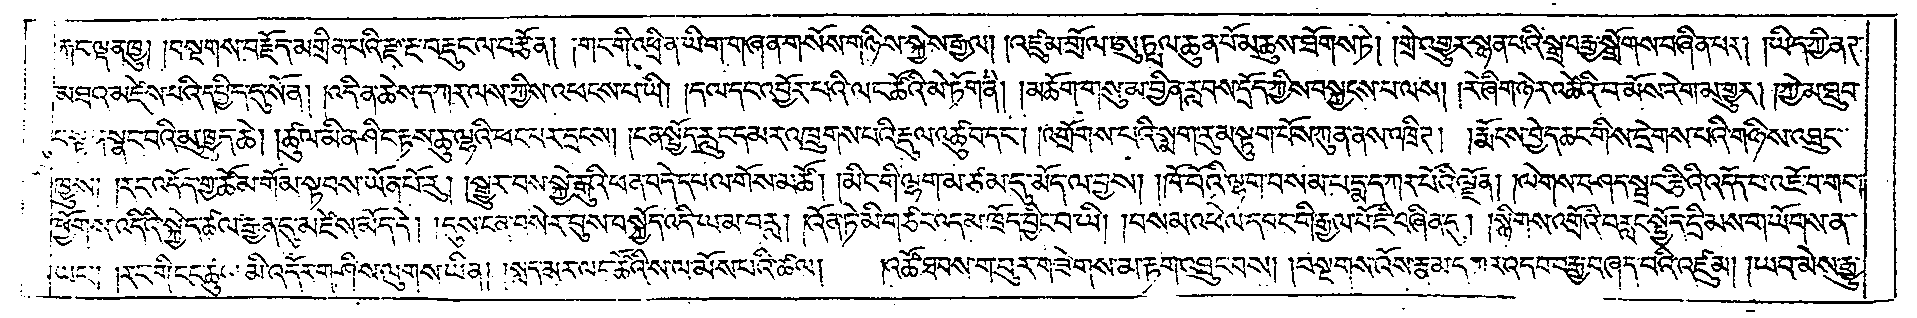རྐང་ལྡན་ཁྱུ། །བསྔགས་བརྗོད་མགྲིན་པའི་རྫ་རྔ་བརྡུང་ལ་བརྩོན། །གང་གི་འཕྲིན་ཡིག་གཞན་གསོས་གཉིས་སྐྱེས་རྒྱལ། །འཛུམ་གྲོལ་ཨུཏྤལ་ཆུན་པོ་མཆུས་ཐོགས་ཏེ། །གྲེ་འགྱུར་སྙན་པའི་སྒྲ་བརྒྱ་སྒྲོགས་བཞིན་པར། །ཡིད་ཀྱི་ནཊ་
མཐའ་མཛེས་པའི་དཔྱིད་དུ་སོན། །འདི་ན་ཆེས་དཀར་ལས་ཀྱིས་འཕངས་པ་ཡི། །དལ་དང་འབྱོར་པའི་ལང་ཚོའི་མེ་ཏོག་ནི། །མཆོག་གསུམ་བྱིན་རླབས་དྲོད་ཀྱིས་བསྐྱངས་པ་ལས། །རེ་ཞིག་ཉེར་འཚེའི་བ་མོས་རེག་མ་གྱུར། །ཀྱེ་མ་ཐུབ་
བསྟན་སྣང་བའི་མུ་ཁྱུད་ཆེ། །ཚུལ་མིན་ཤིང་རྟས་ཆུ་ལྷའི་ཕང་པར་དྲངས། །ངན་སྤྱོད་རླུང་དམར་འཁྲུགས་པའི་རྡུལ་འཚུབབ་དང་། །འགྲོགས་པའི་སྨག་རུམ་སྟུག་པོས་ཀུན་ནས་འཁིགས། །རྨོངས་བྱེད་ཆང་གིས་དརགས་པའི་གཉིས་འཐུང་
ཁྱུས། །རང་འདོད་གྱ་ཚོམ་གོམ་སྟབས་ཡོན་པོ་རུ། །སྒྱུར་བས་སྐྱེ་རྒུའི་ཕན་བདེ་དཔལ་གོས་མཚོ། །མིང་གི་ལྷག་མ་ཙམ་དུ་མོད་ལ་བྱས། །ཁོ་བོའི་ལྷག་བསམ་པདམ་དཀར་པོའི་ལྗོན། །ལེགས་བཤད་སྦྲང་རྩིའི་འདོད་པ་འཇོ་པ་གང་།
ཕྱོགས་འདིའི་སྐྱེད་ཚལ་རྒྱན་དུ་མཛེས་མོད་དེ། །དུས་ངན་བསེར་བུས་བསྐྱོད་འདི་ཡ་མ་བརླ། །འོན་ཏེ་མི་གཙང་འདམ་ཁྲོད་བྱིང་བ་ཡི། །བསམ་འཕེལ་དབང་གི་རྒྱལ་པོ་ཇི་བཞིན་དུ། །སྙིགས་འགྲོའི་བརླང་སྤྱོད་དྲི་མས་གཡོགས་ན་
ཡང་། །རང་གི་ངང་ཚུལ་མི་འདོར་གཤིས་ལུགས་ཡིན། །སླད་མར་ལང་ཚོའི་ས་ལ་མོས་པའི་ཚལ། །འཚོ་ཐབས་ག་བུར་གཟེགས་མ་རྟག་འཐུང་བས། །བསྔགས་འོས་རྣམ་དཀར་འདབ་བརྒྱ་བཞད་པའི་འཛུམ། །ཡབ་མེས་རྒྱུ་